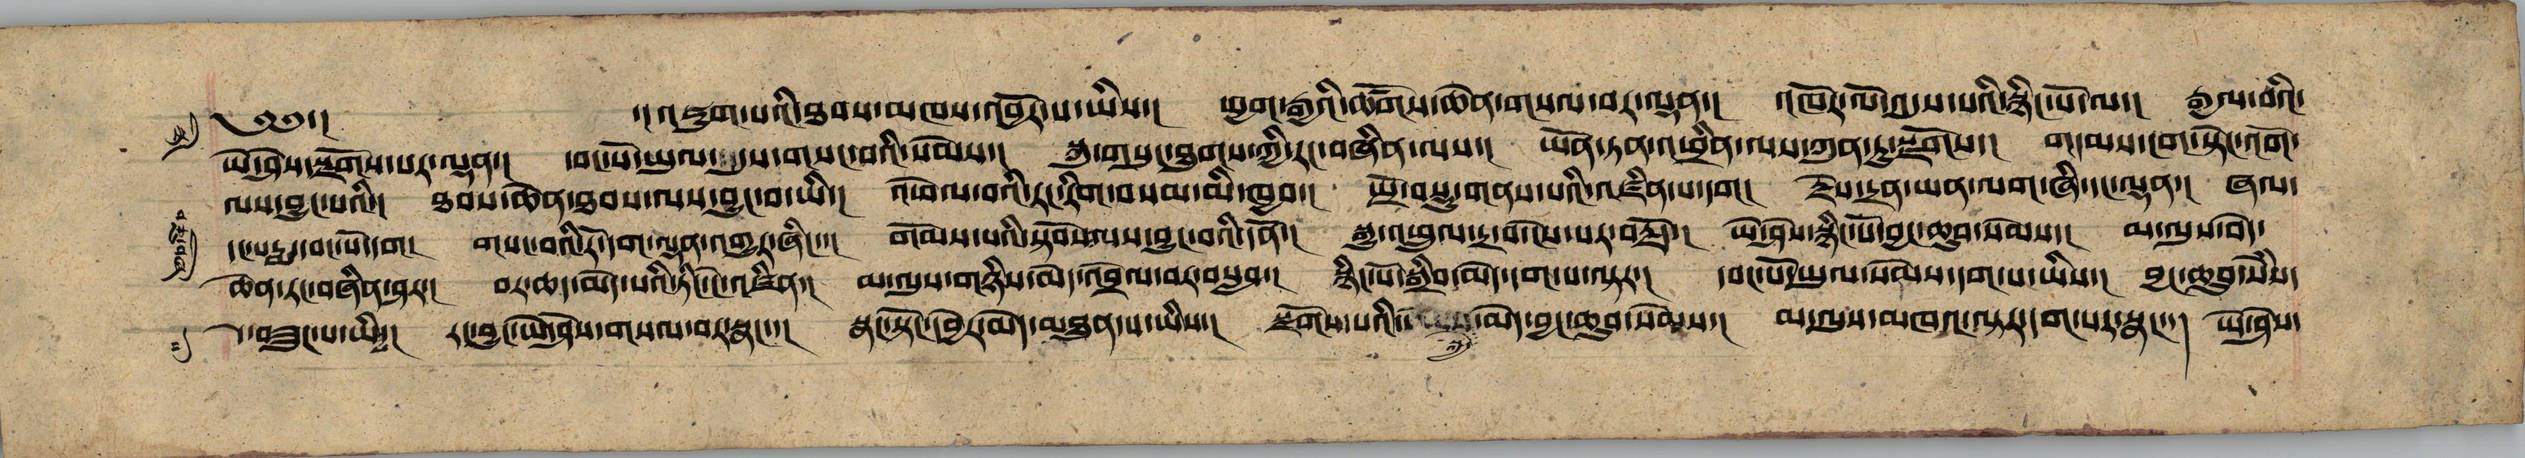༄༅་། ་།འཇུག་པའི་ཐབས་མཁས་འབྱོར་པ་ཡིས་། ཕྱག་རྒྱའི་ཚོགས་ཆེན་གསལ་བར་ལྡན་། འཁོར་ལོ་འདུས་པའི་སྙིང་པོ་ལ་། རྒྱལ་བའི་
ཡེ་ཤེས་སྫོགས་པར་ལྡན་། དབང་པོ་ཡུལ་འདུས་གསང་བའི་སེམས་། སྐུ་གསུང་ཐུགས་ཀྱི་རང་བཞིན་ལས་། ཡོན་ཏན་འཕྲིན་ལས་ཀུན་ཏུ་སྫོགས་། གདམས་ངག་སྟེང་འོག་
ལས་བྱུང་པའི་། ཐབས་ཆེན་ཐབས་ལས་བྱུང་བ་ཡི་། འཕེལ་བའི་རང་རིག་བསམ་མི་ཁྱབ་། སྤྲོ་བསྡུ་གནས་པའི་འཛིན་པ་དག་། རྗེས་དྲན་ཡན་ལག་ཞི་དང་ལྡན་། ཞལ་
དང་པདྨ་དབང་པོ་དག། གསང་བའི་རོ་དག་ལྡན་འགྱུར་ཞིང་་། གོམས་པའི་སྟོབས་ལས་བྱུང་བའི་དོན་། སྒྱུ་འཕྲུལ་དྲ་བ་ངེས་པར་བརྗོད་། ཡེ་ཤེས་སྙིང་པོ་བྱང་ཆུབ་སེམས་། མ་ལུས་བདེ་
ཆེན་རང་བཞིན་ཤར་། བར་ཆད་མེད་པའི་ཏིང་ངེ་འཛིན་། མ་ལུས་གཉིས་མེད་འབྲེལ་བར་བསླབ་། སྙིང་པོ་སྒྲིབ་མེད་དག་པ་ལྟར་། དབང་པོ་ཡུལ་སེམས་དག་པ་ཡིས་། བྱང་ཆུབ་སེཾས་
དེ་བཟུང་པ་ཡིས་། རང་བྱུང་ཡེ་ཤེས་གསལ་བར་སྣང་་། སྣང་སྟོང་དབྱེར་མེད་མཐུན་པ་ཡིས་། སྫོགས་པའི་མེད་བྱང་ཆུབ་སེམས་། མ་ལུས་མཁའ་ལྟར་དག་པར་སྣང་་། ཡེ་ཤེས་